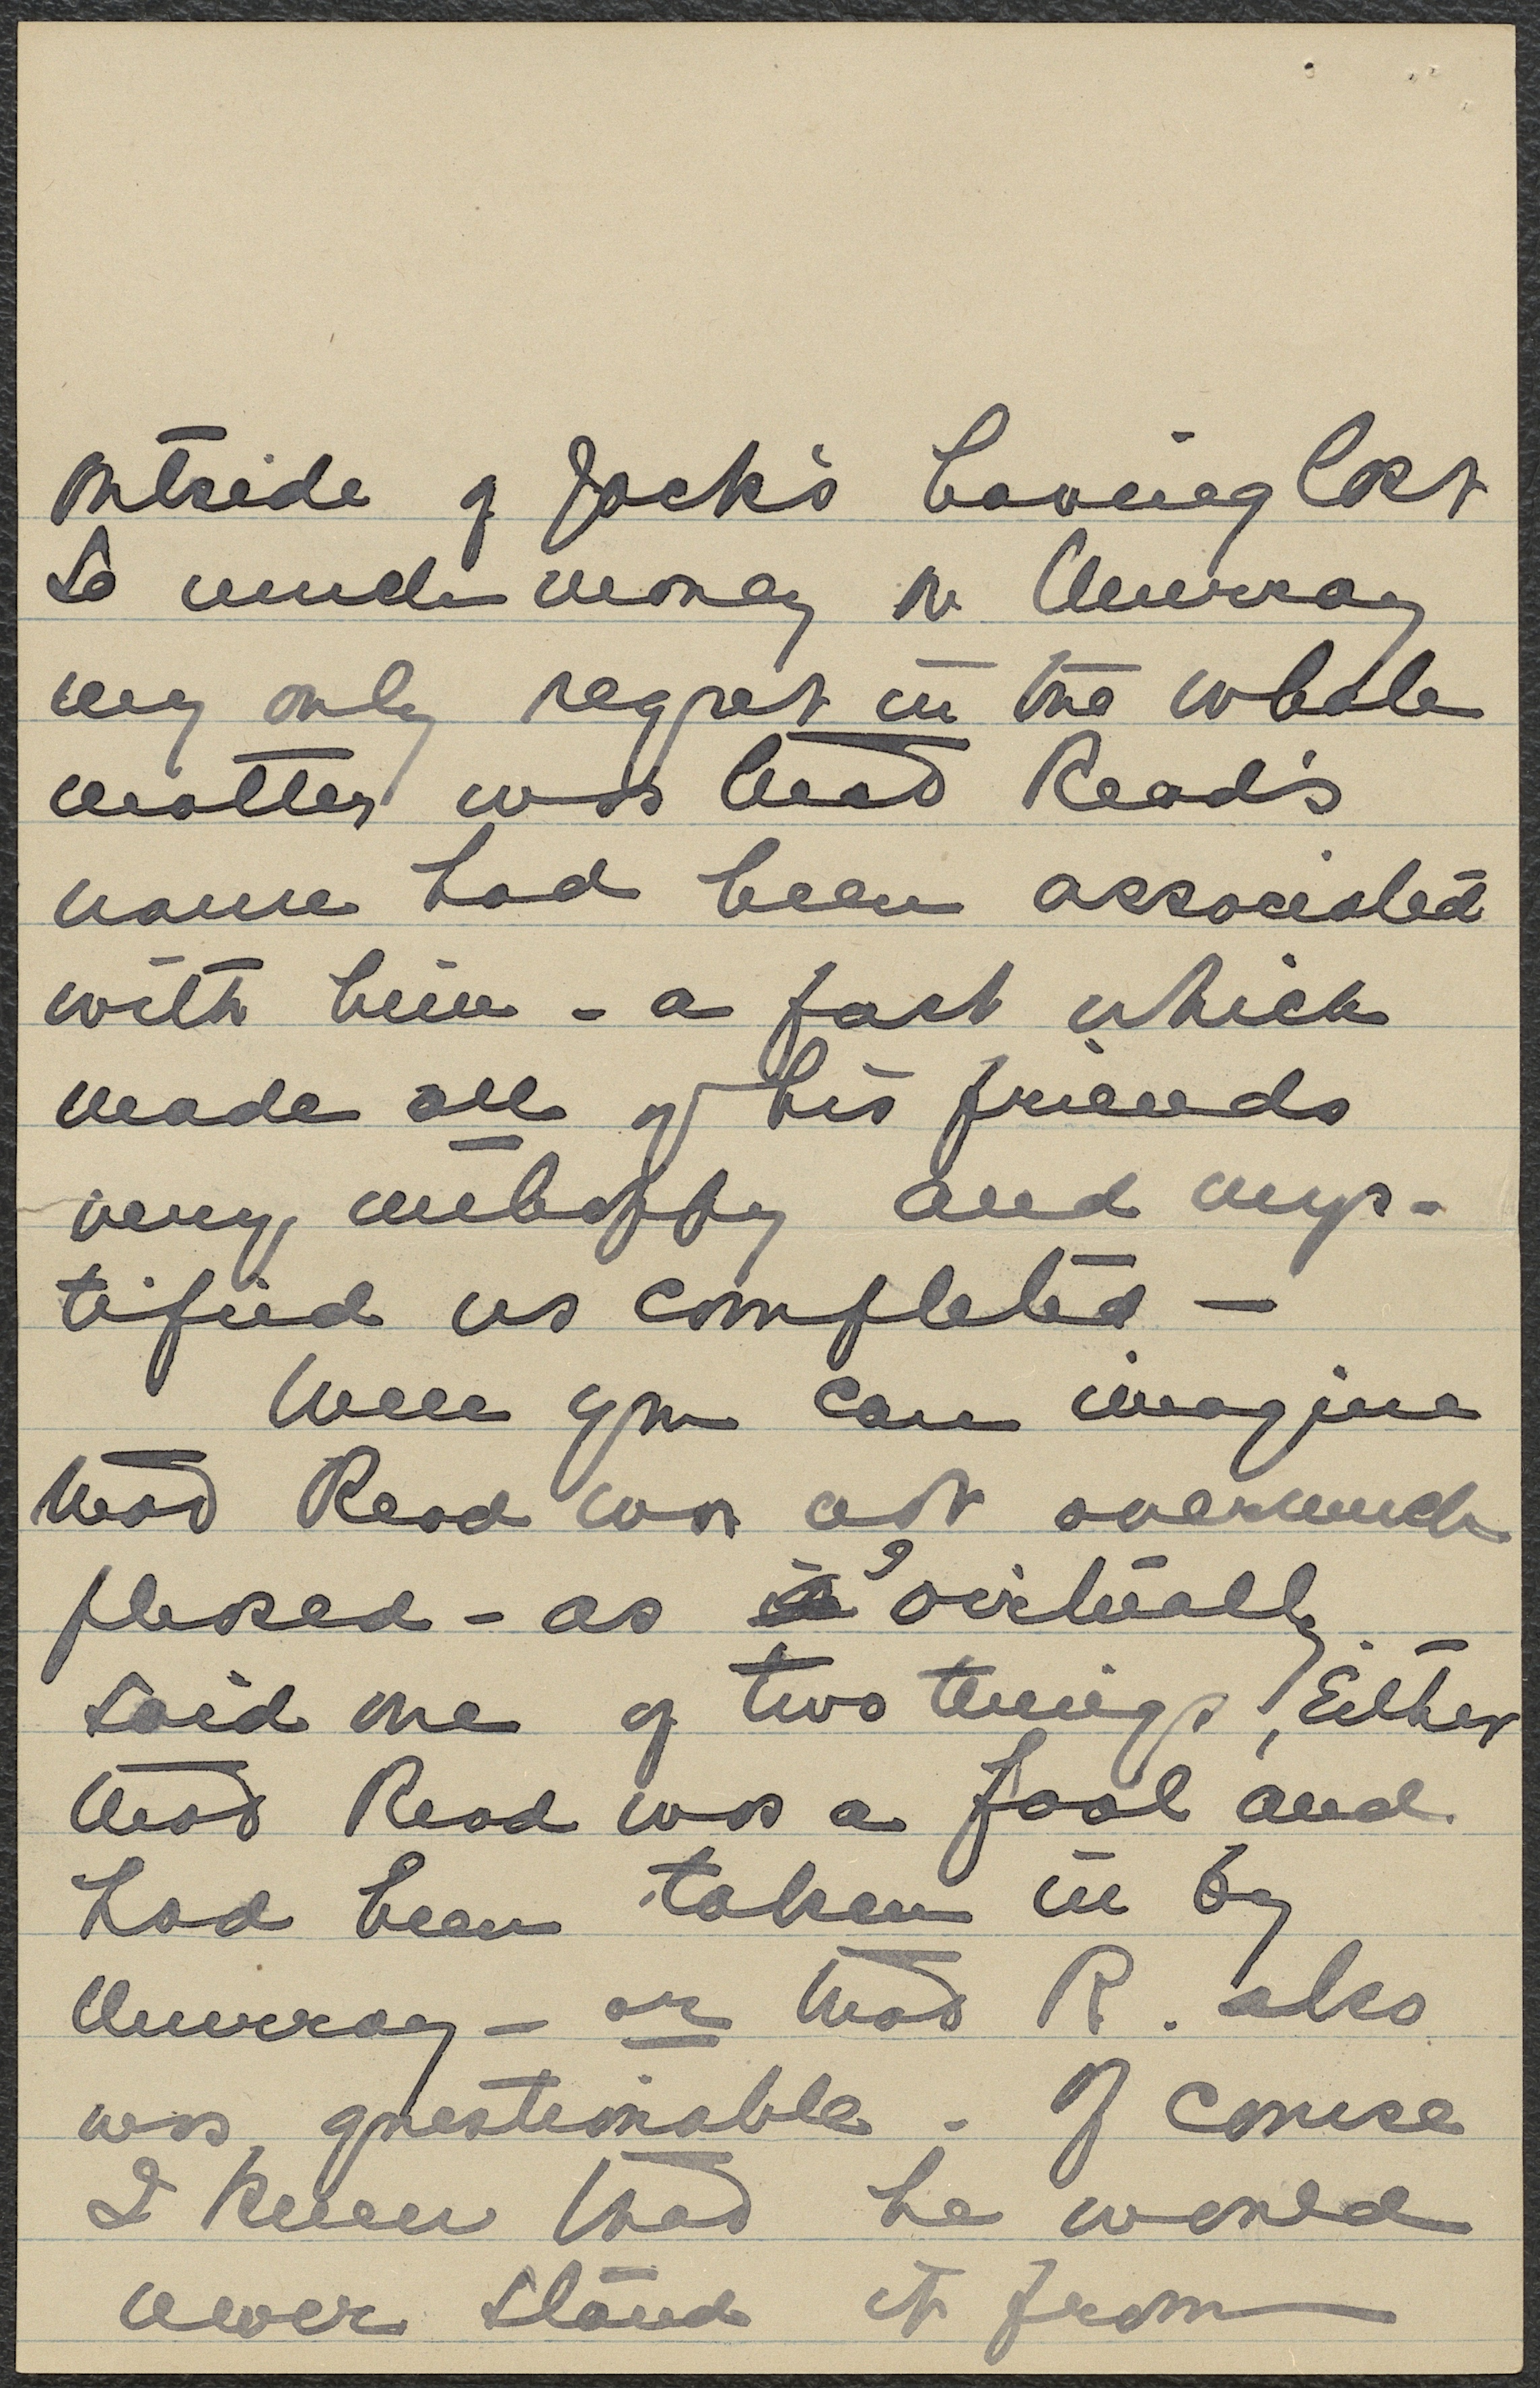outside of Jack’s having lost so much money on Murray my only regret in the whole matter was that Read’s name had been associated with him – a fact which made all of his friends very unhappy and mystified us completed –
Well you can imagine that Read was not overmuch pleased – as it [^I^] virtually said one of two things, either that Read was a fool and had been taken in by Murray – or that R. also was questionable – of course I knew that he would never stand it from